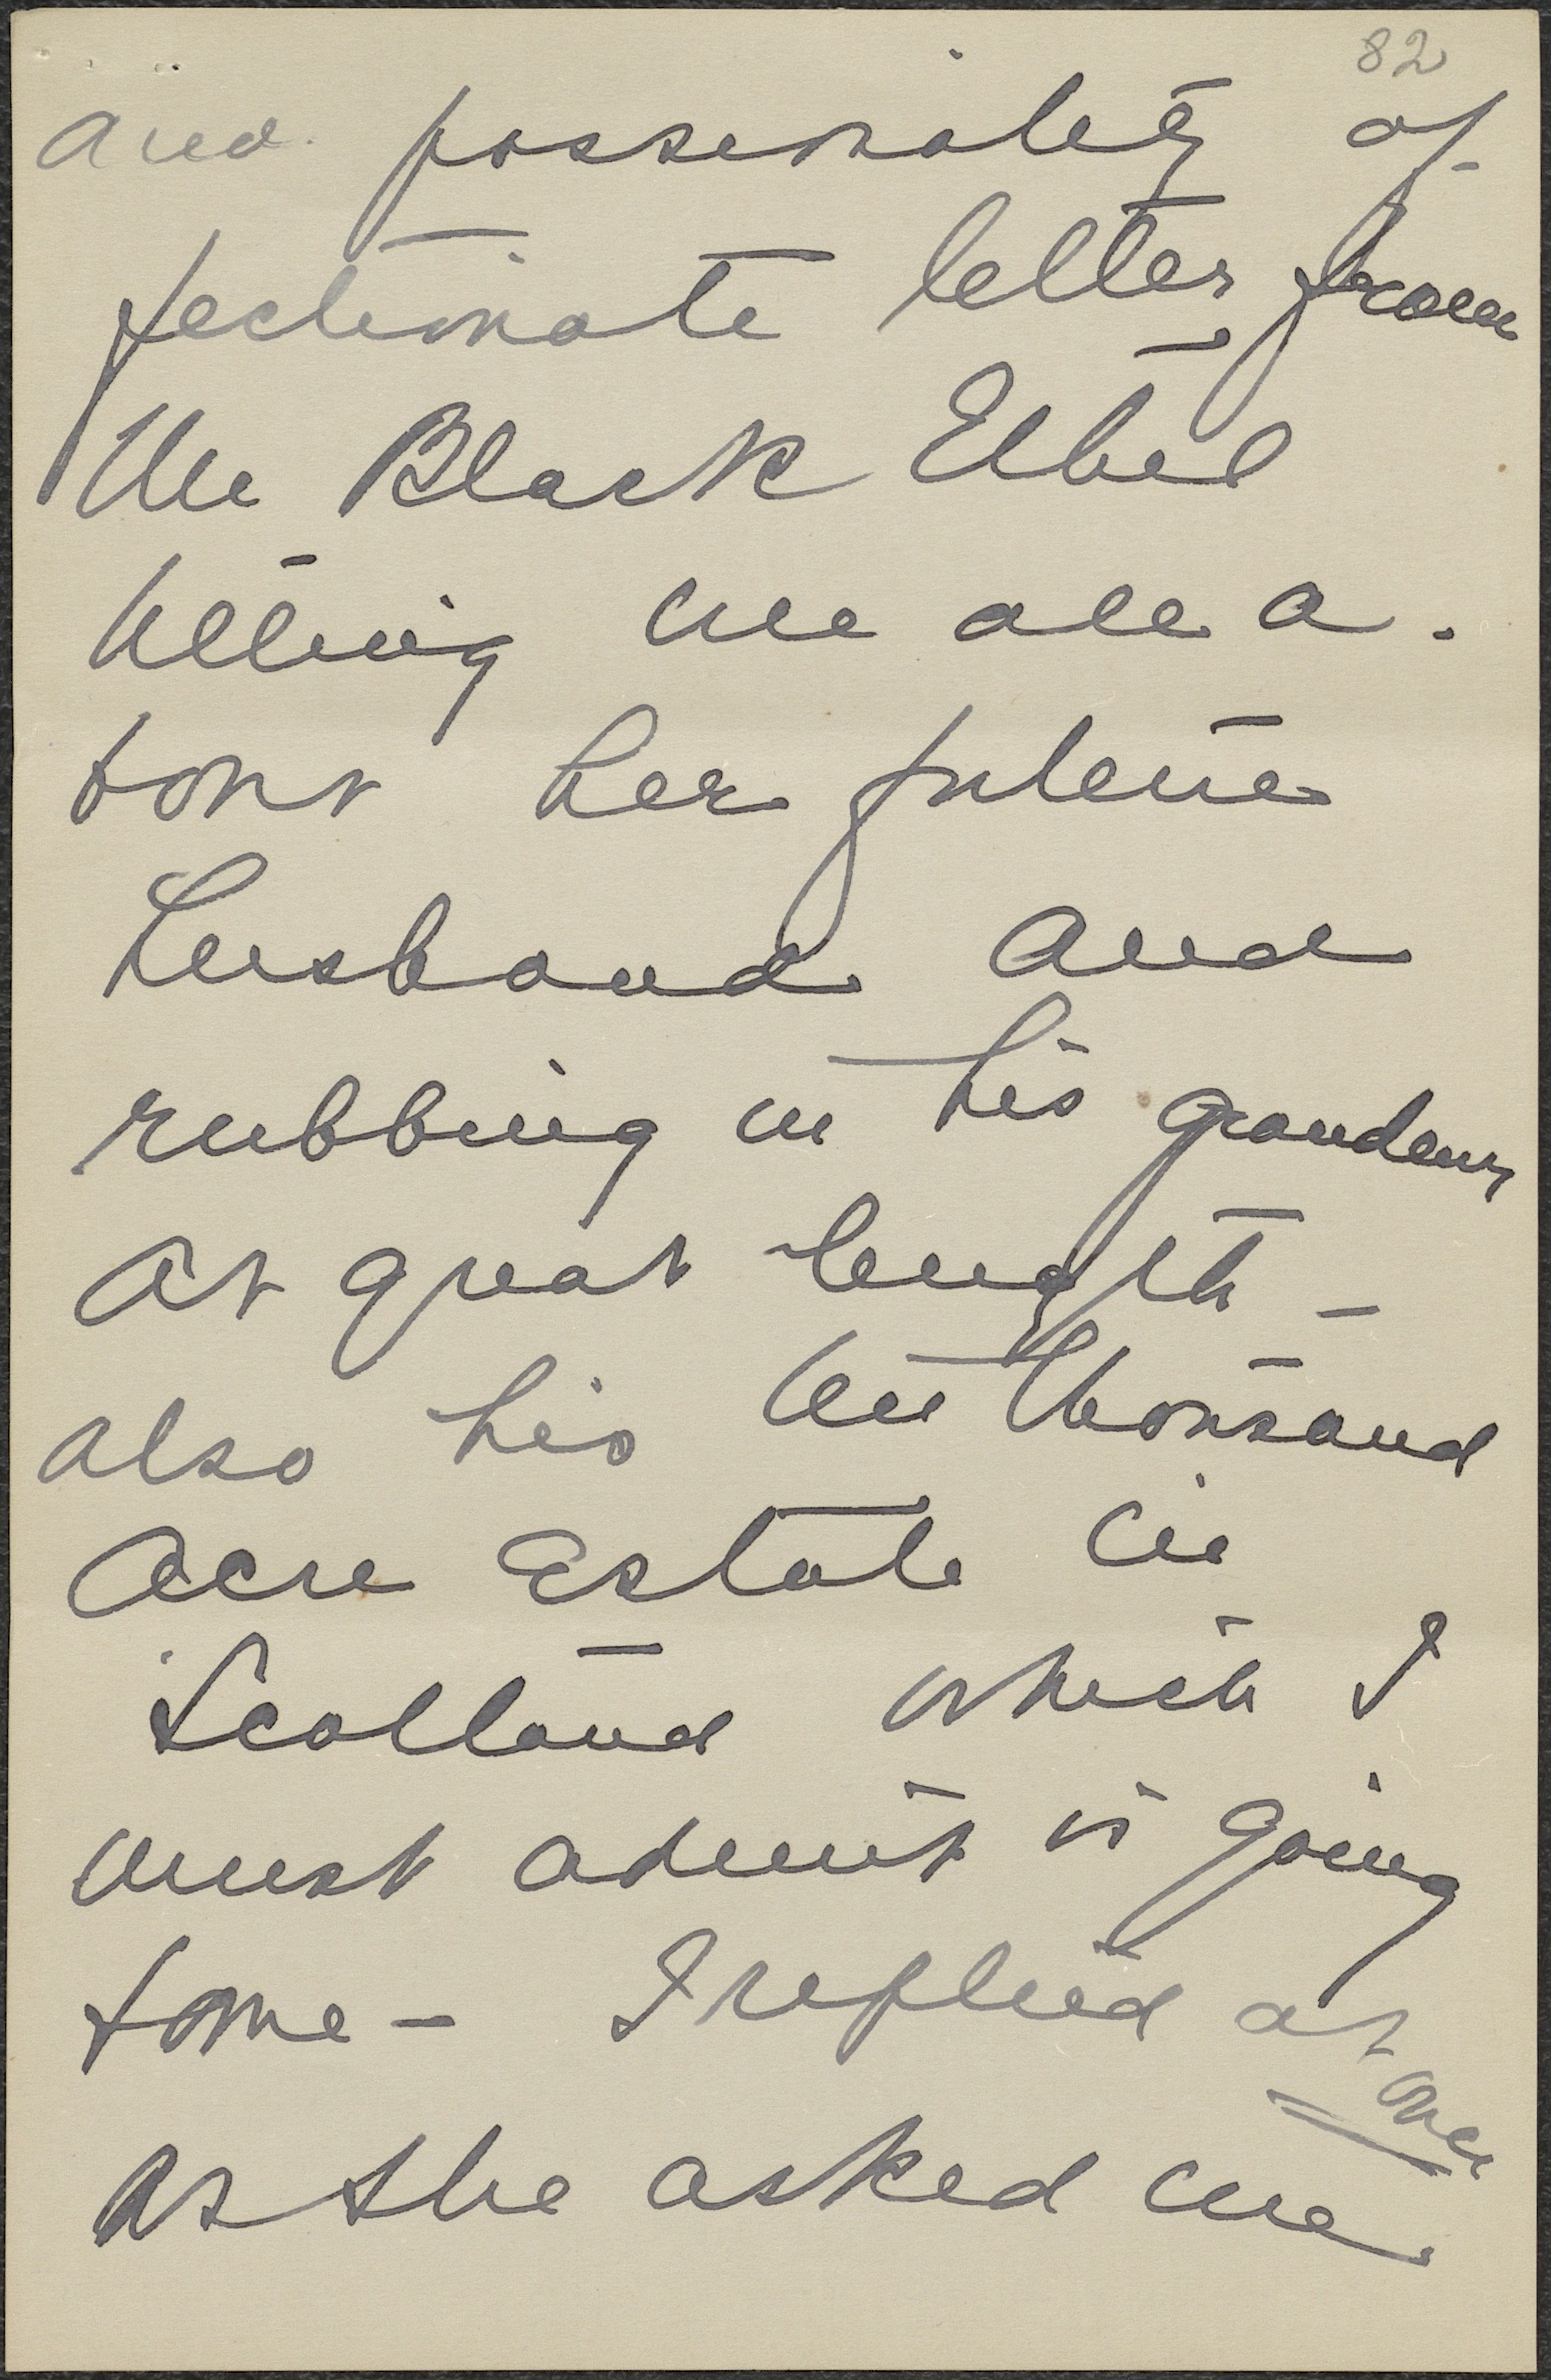and passionately affectionate letter from the Black Ethel telling me all about her future husband and rubbing in his grandeur at great length – also his ten thousand acre estate in Scotland which I must admit is going some – I replied at once as she asked me